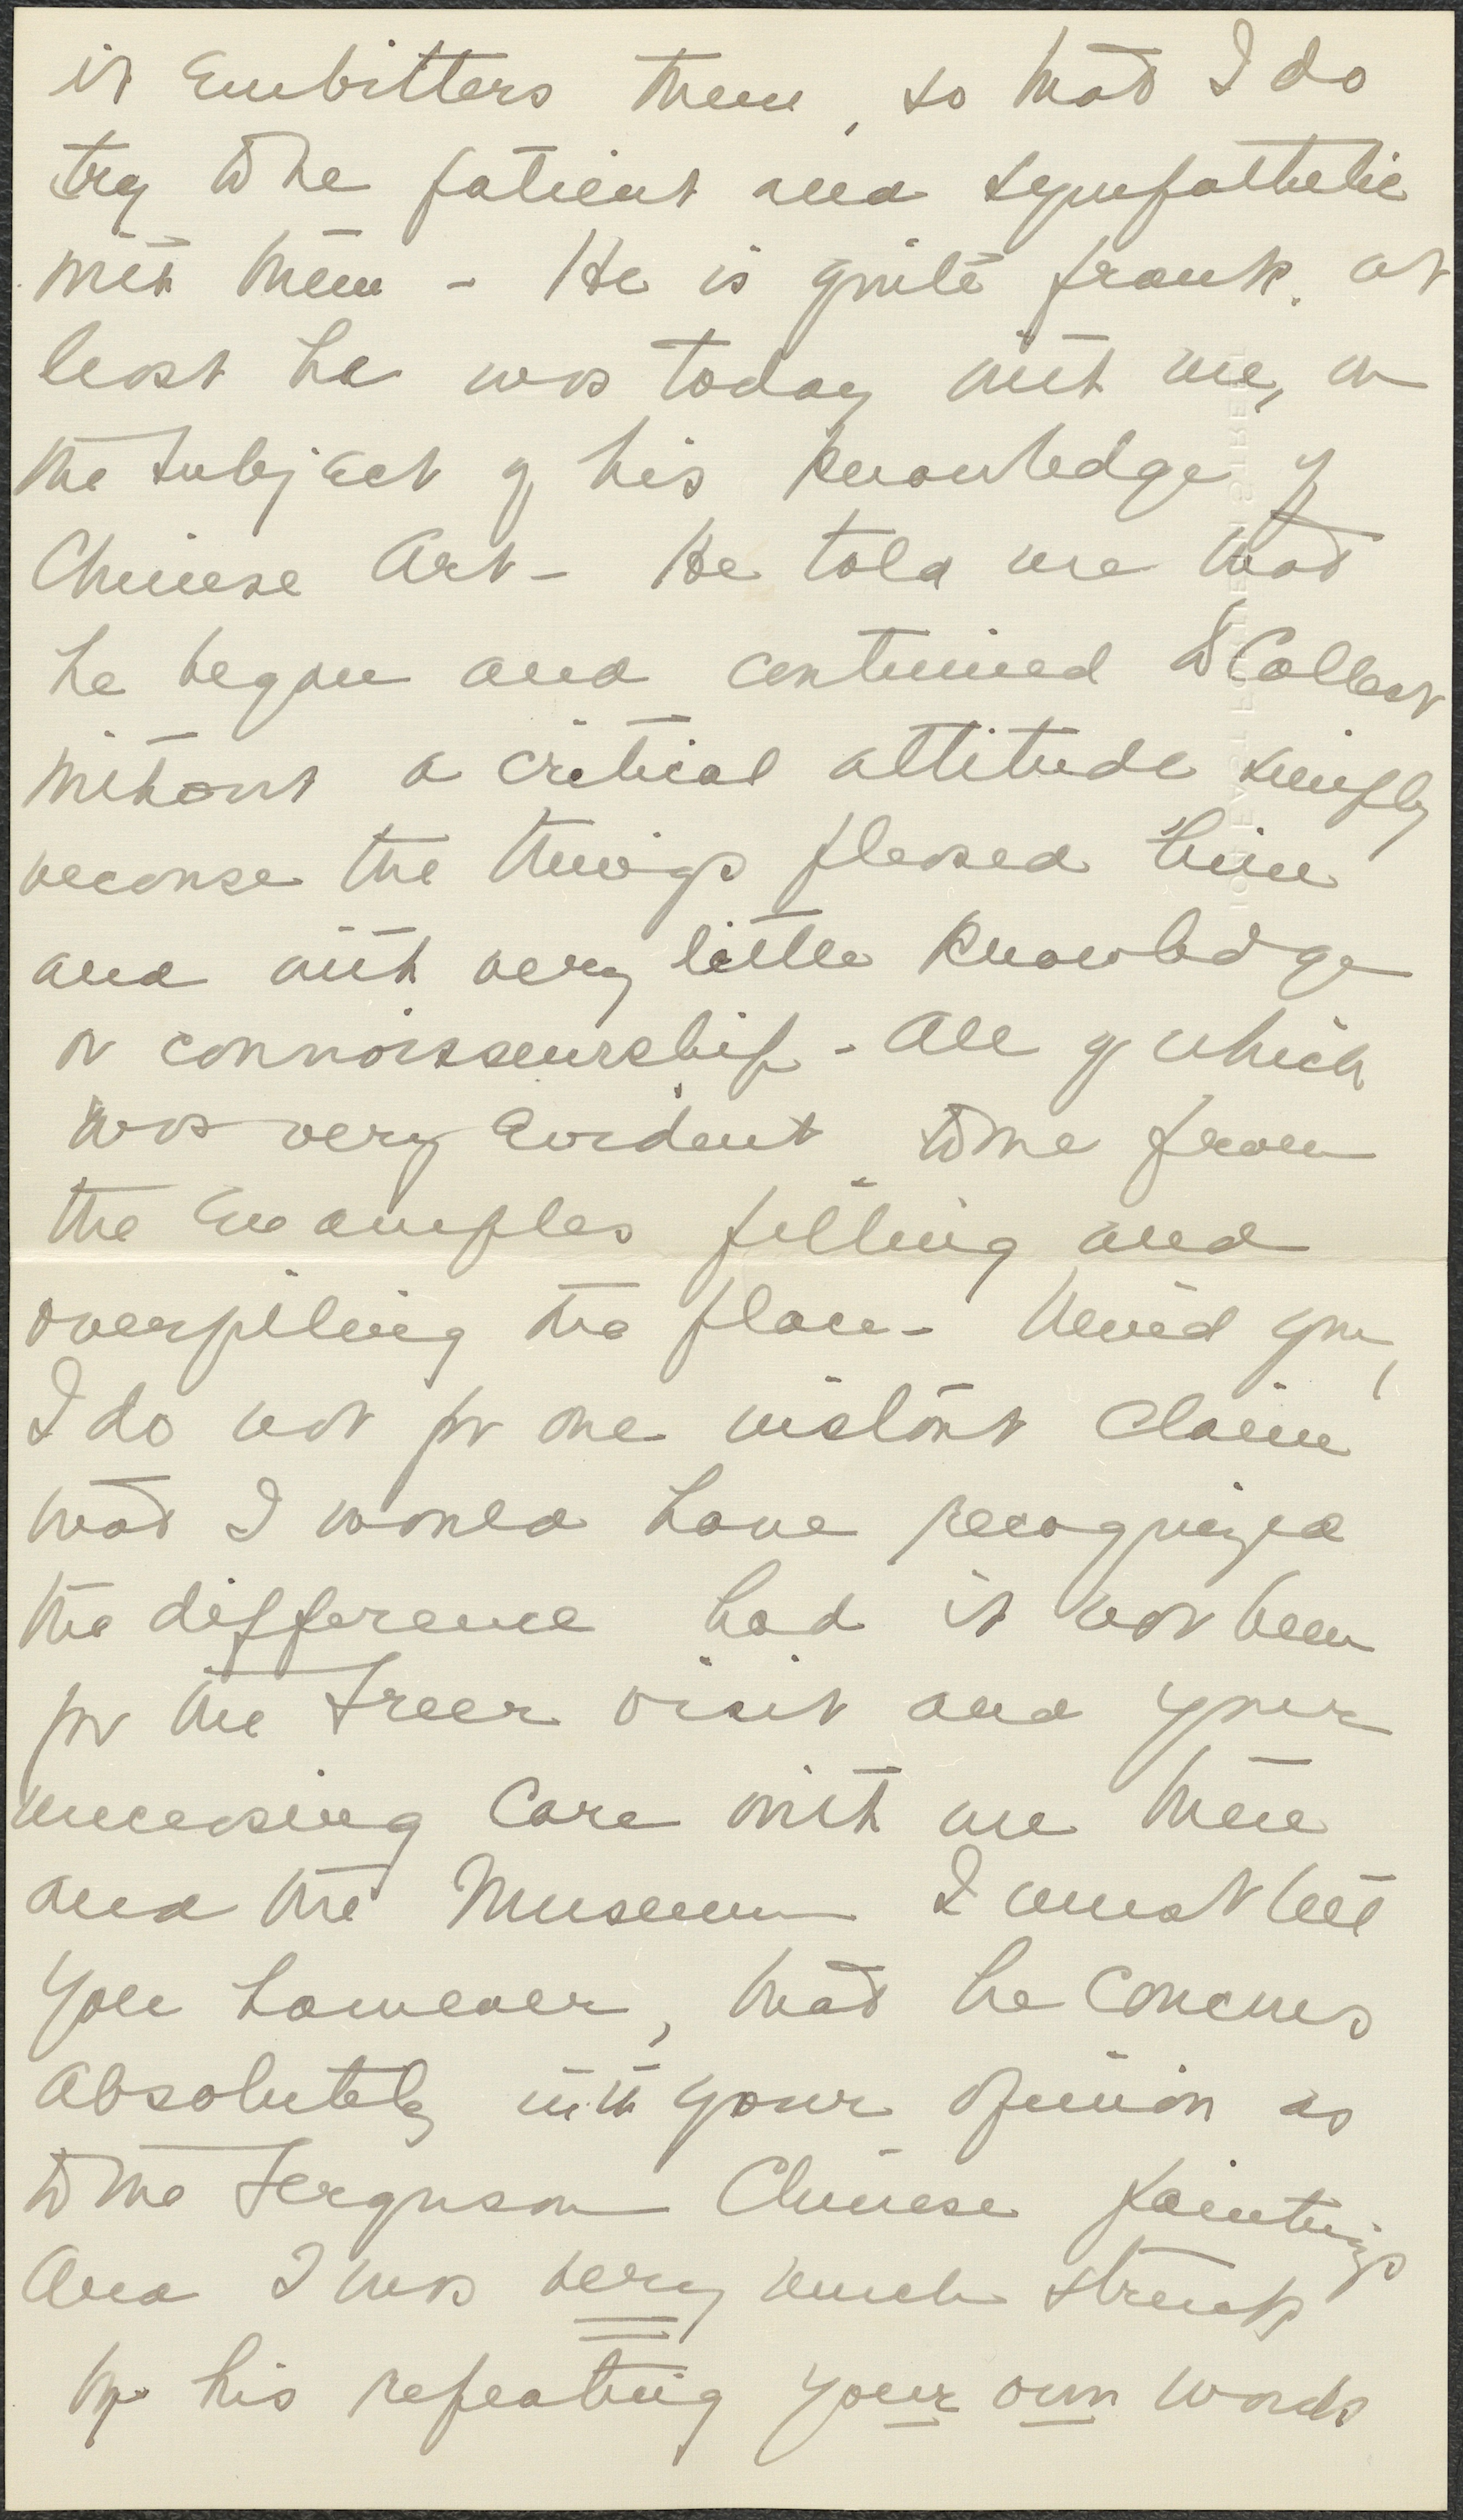it embitters them, so that I do try to be patient and sympathetic with them – He is quite frank, at least he was today with me, on the subject of his knowledge of Chinese Art – He told me that he began and continued to collect without a critical attitude simply because the things pleased him and with very little knowledge or connoisseurship – all of which was very evident to me from the examples filling and overfilling the place – mind you, I do not for one instant claim that I would have recognized the difference had it not been for the Freer visit and your unceasing care with me there and the Museum I cannot tell you however, that he concurs absolutely with your opinion as to the Ferguson Chinese paintings and I was [double underlined: very] much struck by his repeating your own words